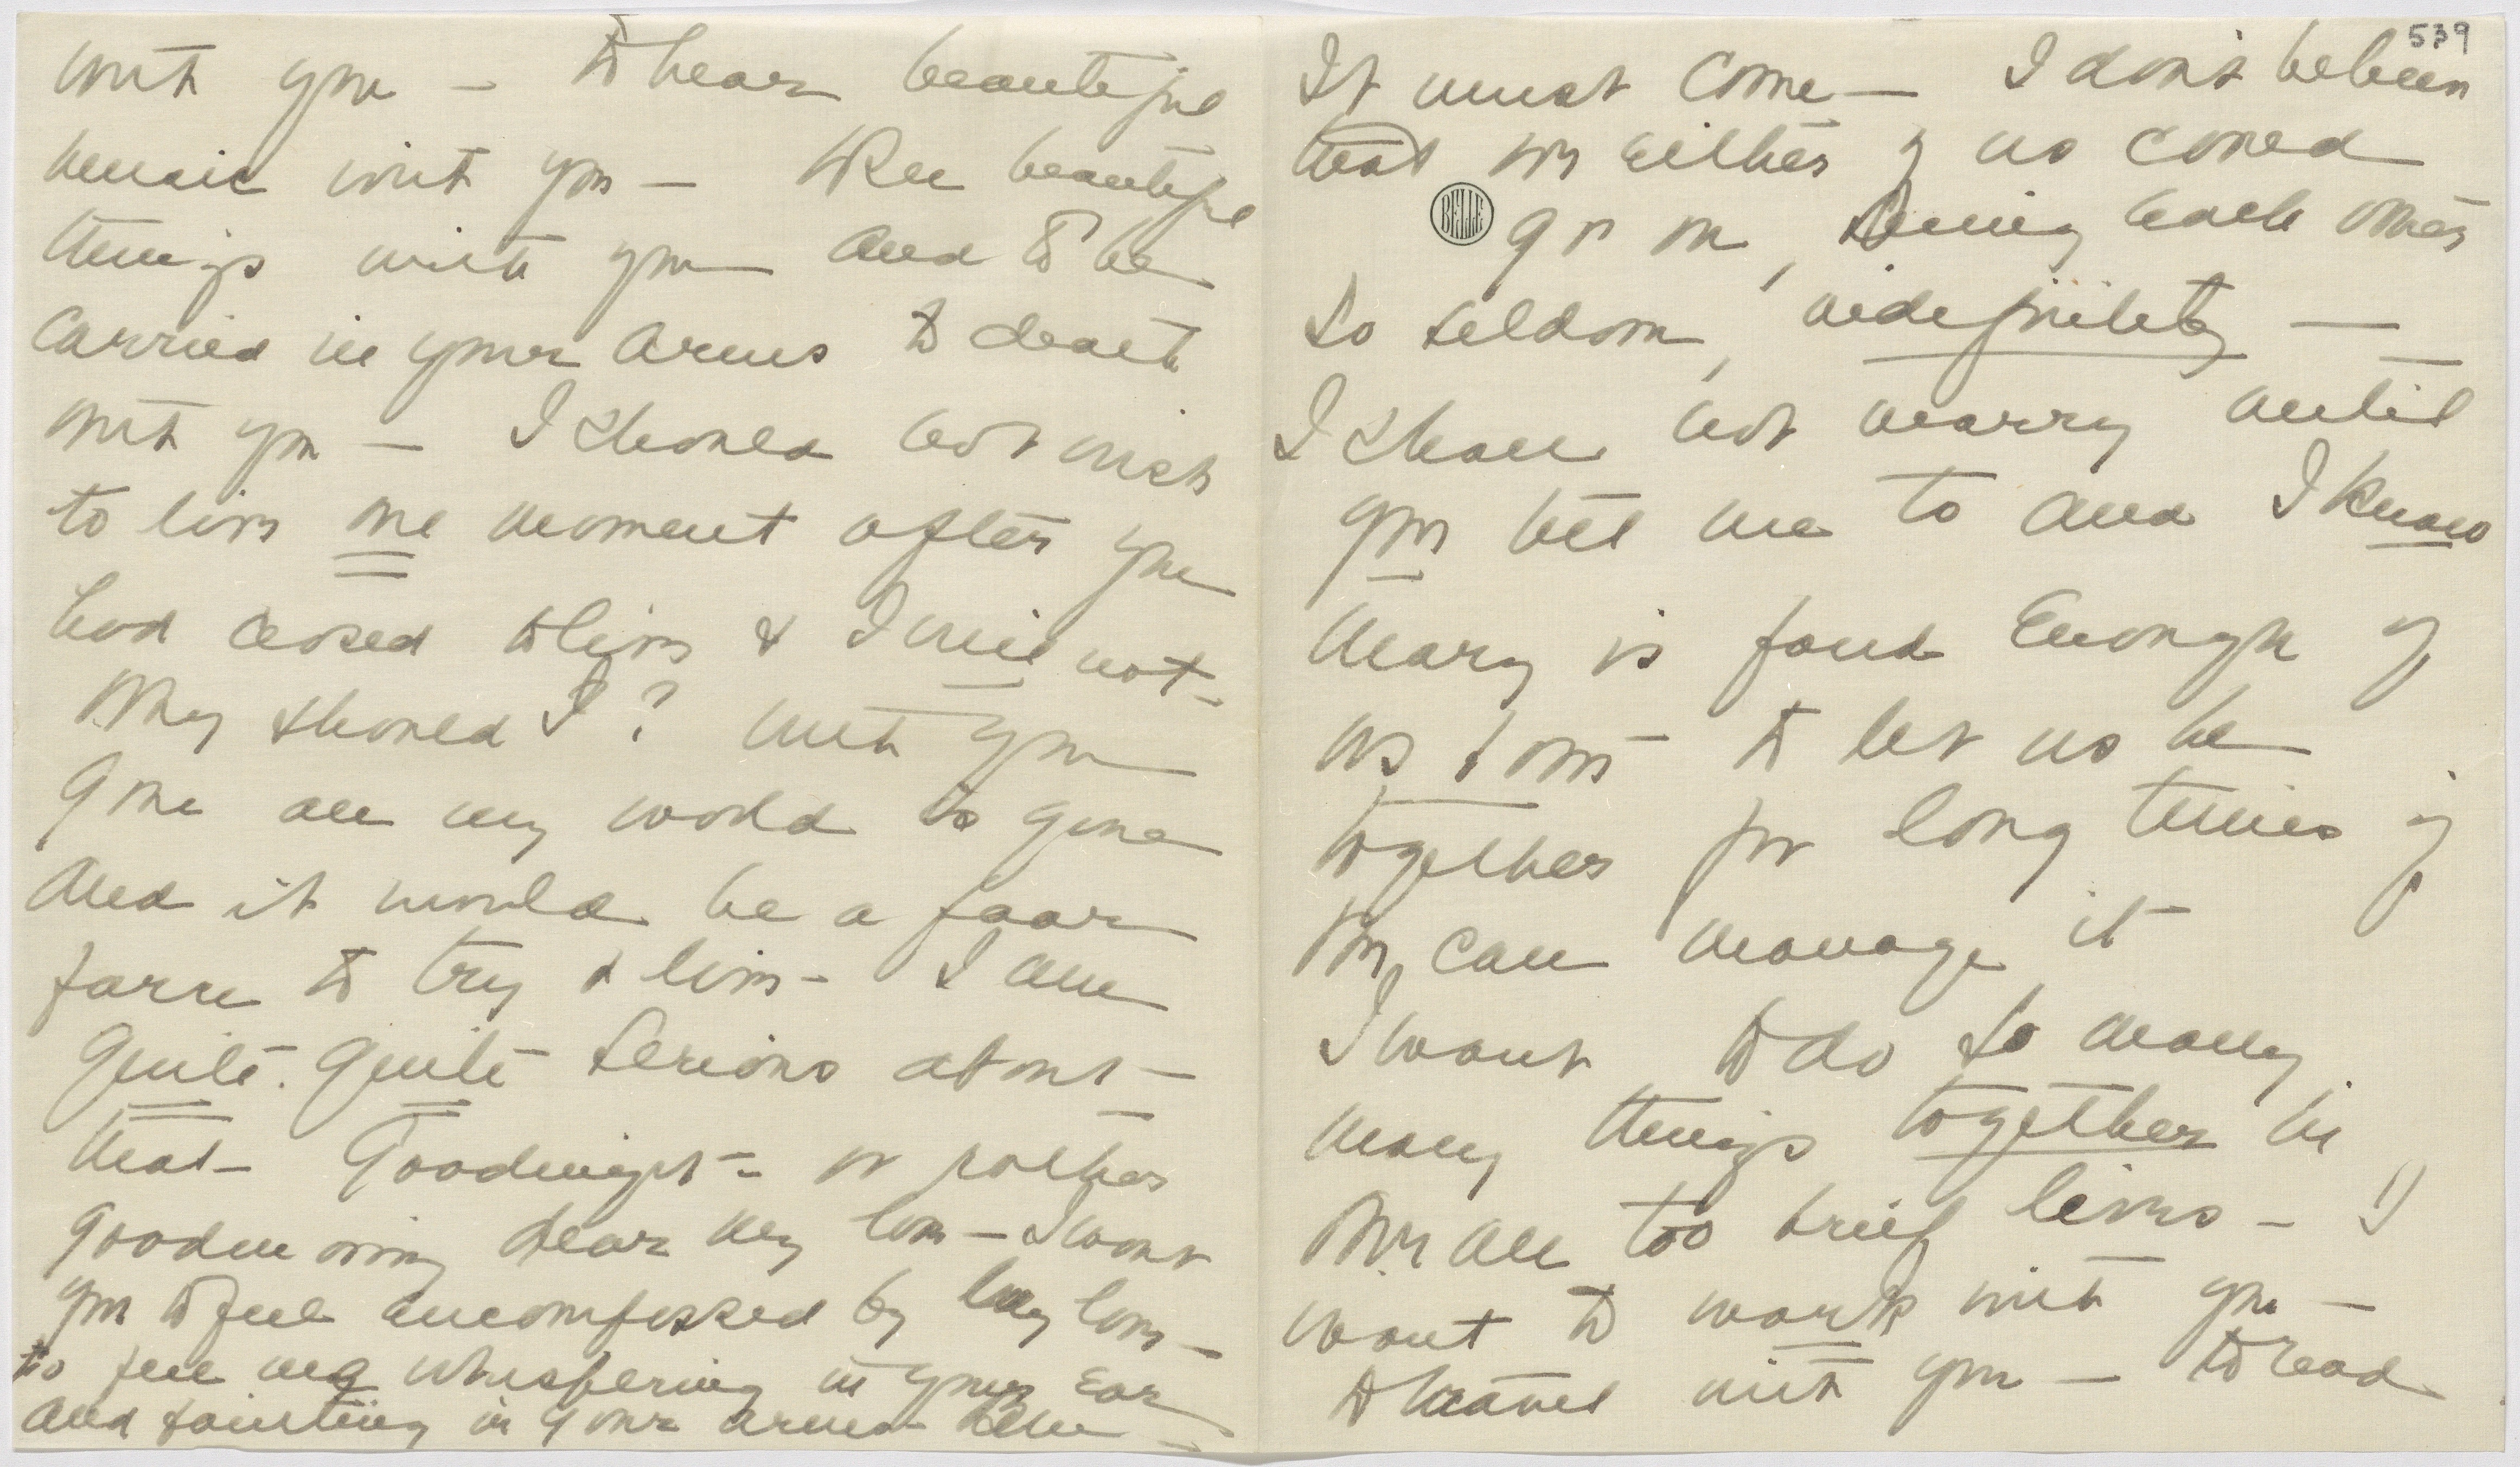It must come – I don’t believe that we either of us could go on, seeing each other so seldom, indefinitely – I shall not marry until you tell me to and I know Mary is fond enough of us both to let us be together for long times if we can manage it
I want to do so many many things together in our all too brief lives – I want to work with you – to travel with you – to read
with you – to hear beautiful music with you – to see beautiful things with you and to be carried in your arms to death with you – I should not wish to live [double underlined: one] moment after you had ceased to live & I will not – Why should I? with you gone all my world is gone and it would be a poor form to try & live – I am quite [double underlined: quite] serious about that – Goodnight – or rather good morning dear my love – I want you to feel encompassed by my love – to feel me whispering in your ear and fainting in your arms – Belle –